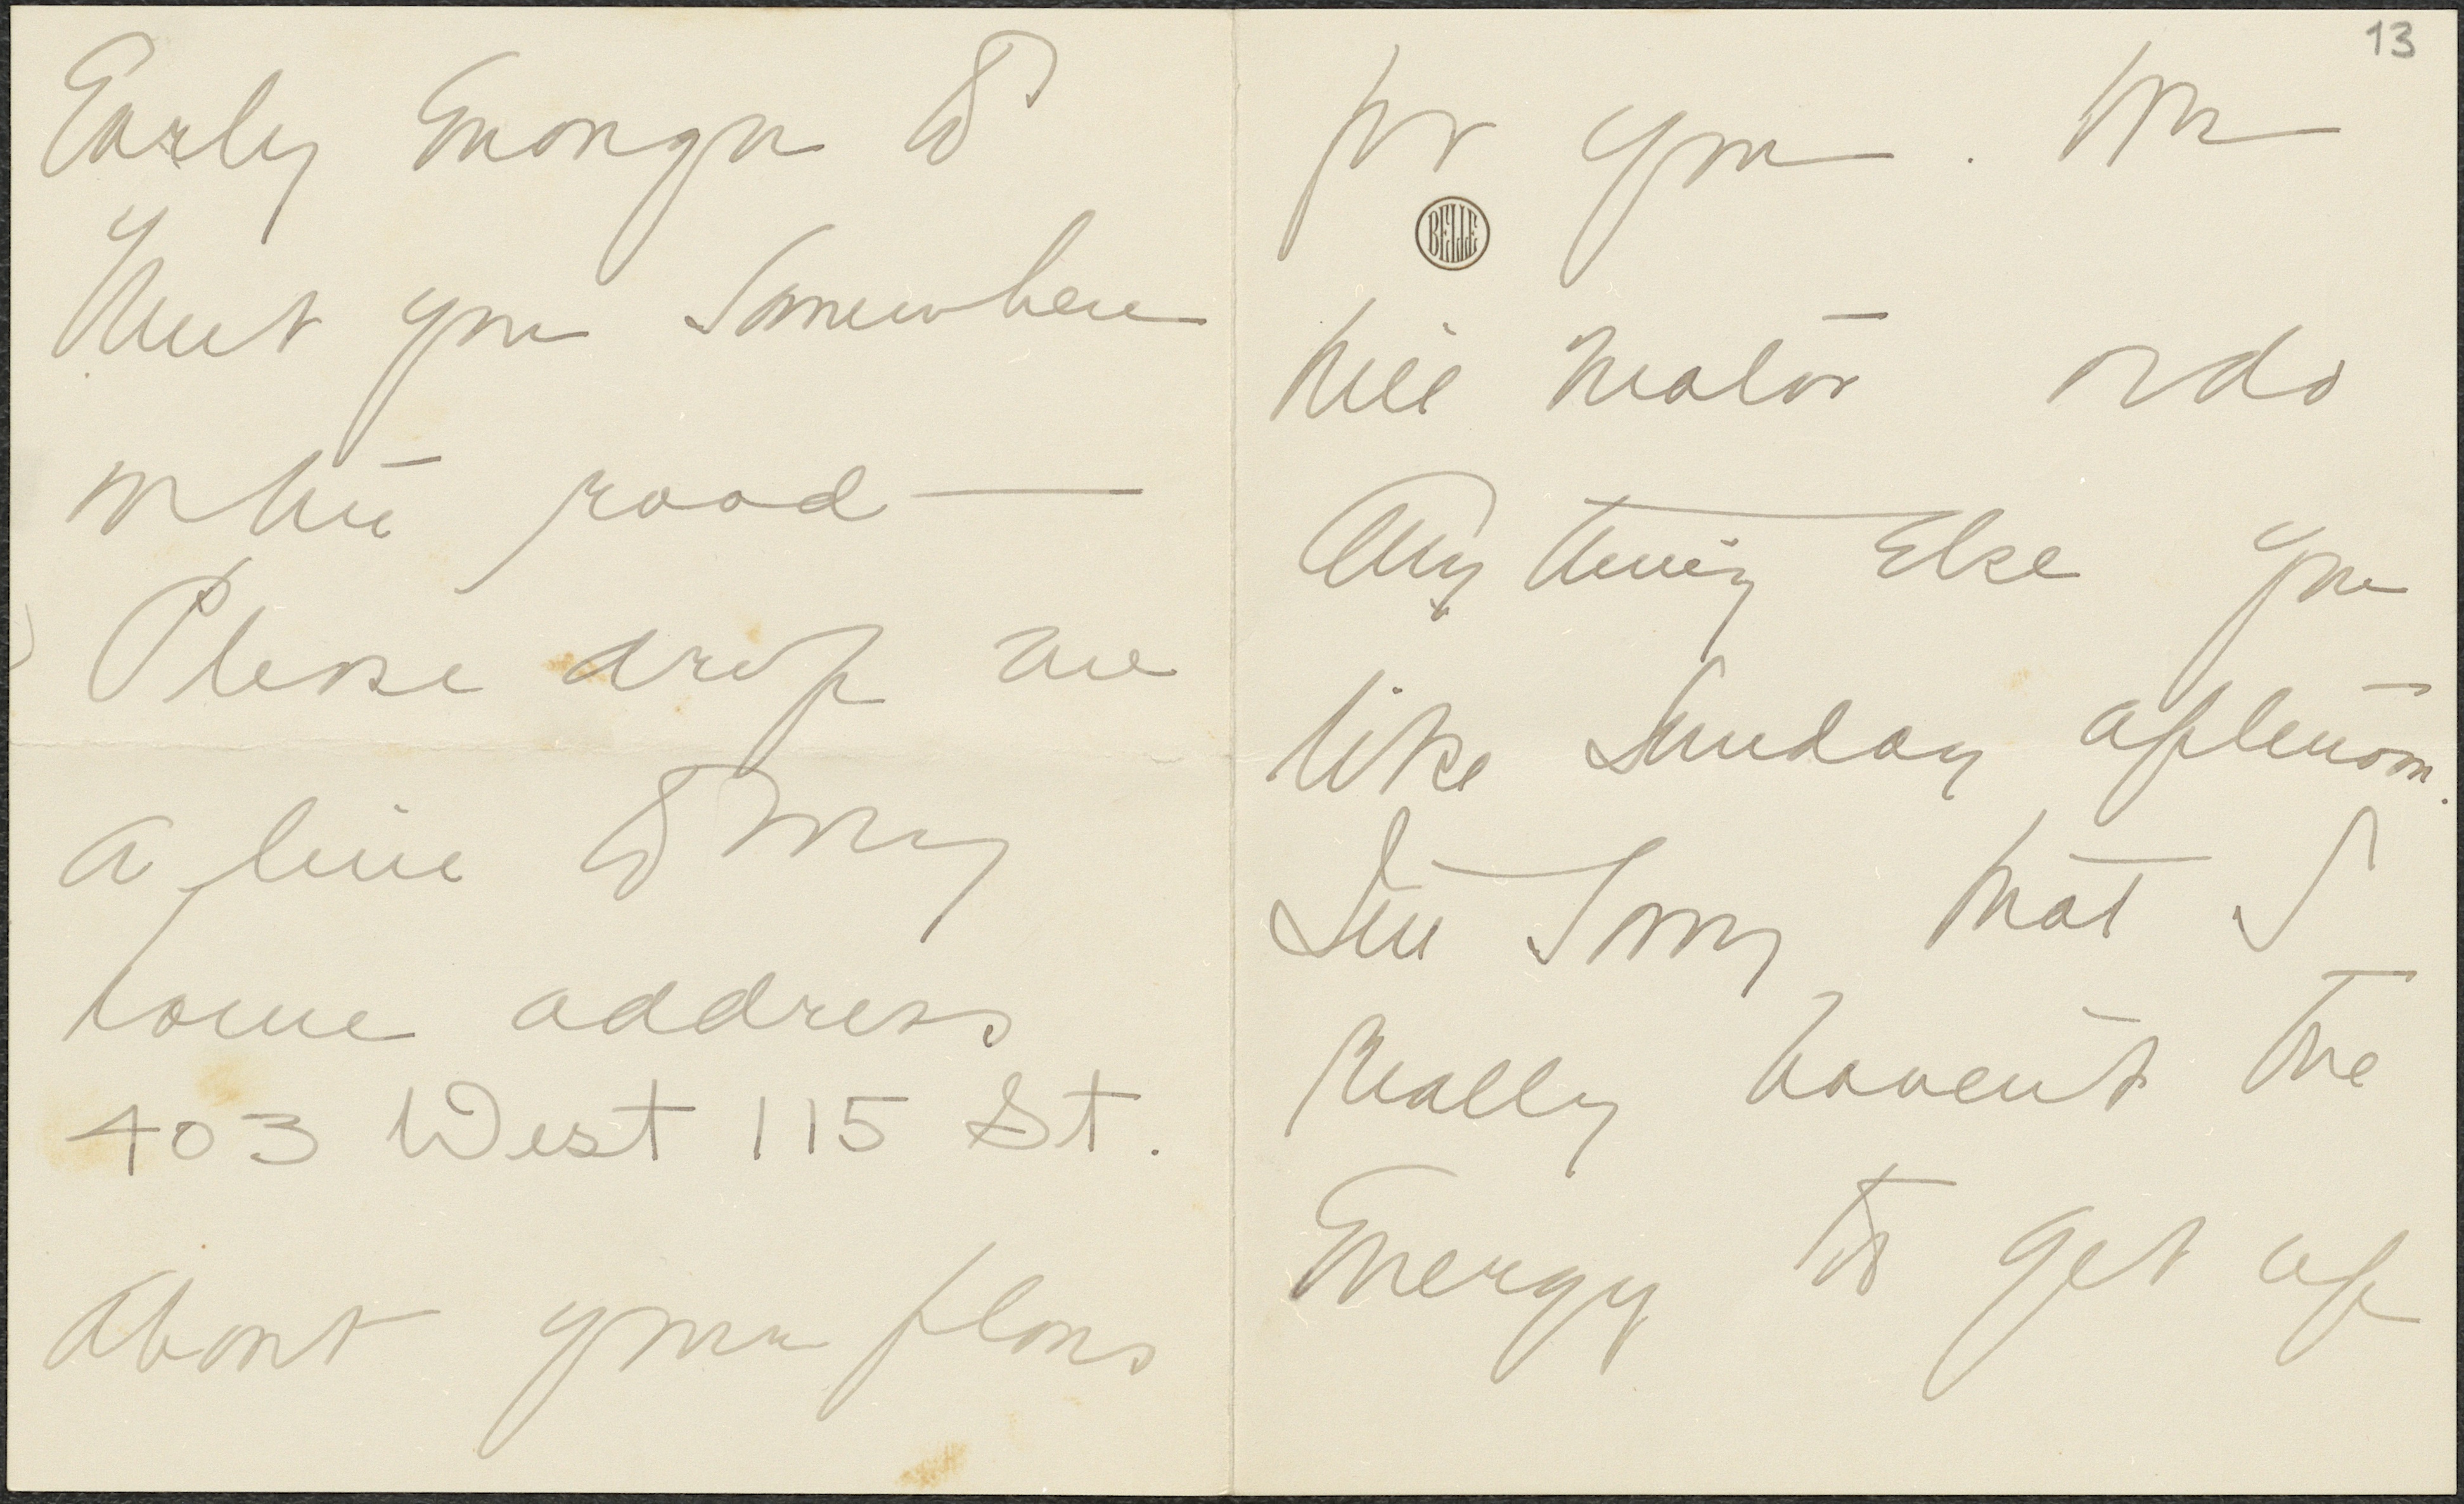for you. We will motor or do any thing else you like Sunday afternoon.
I’m sorry that I really haven’t the Energy to get up
Early Enough to meet you somewhere on the road –
Please drop me a line to my home address
[in secretarial script: 403 West 115 St.]
about your plans